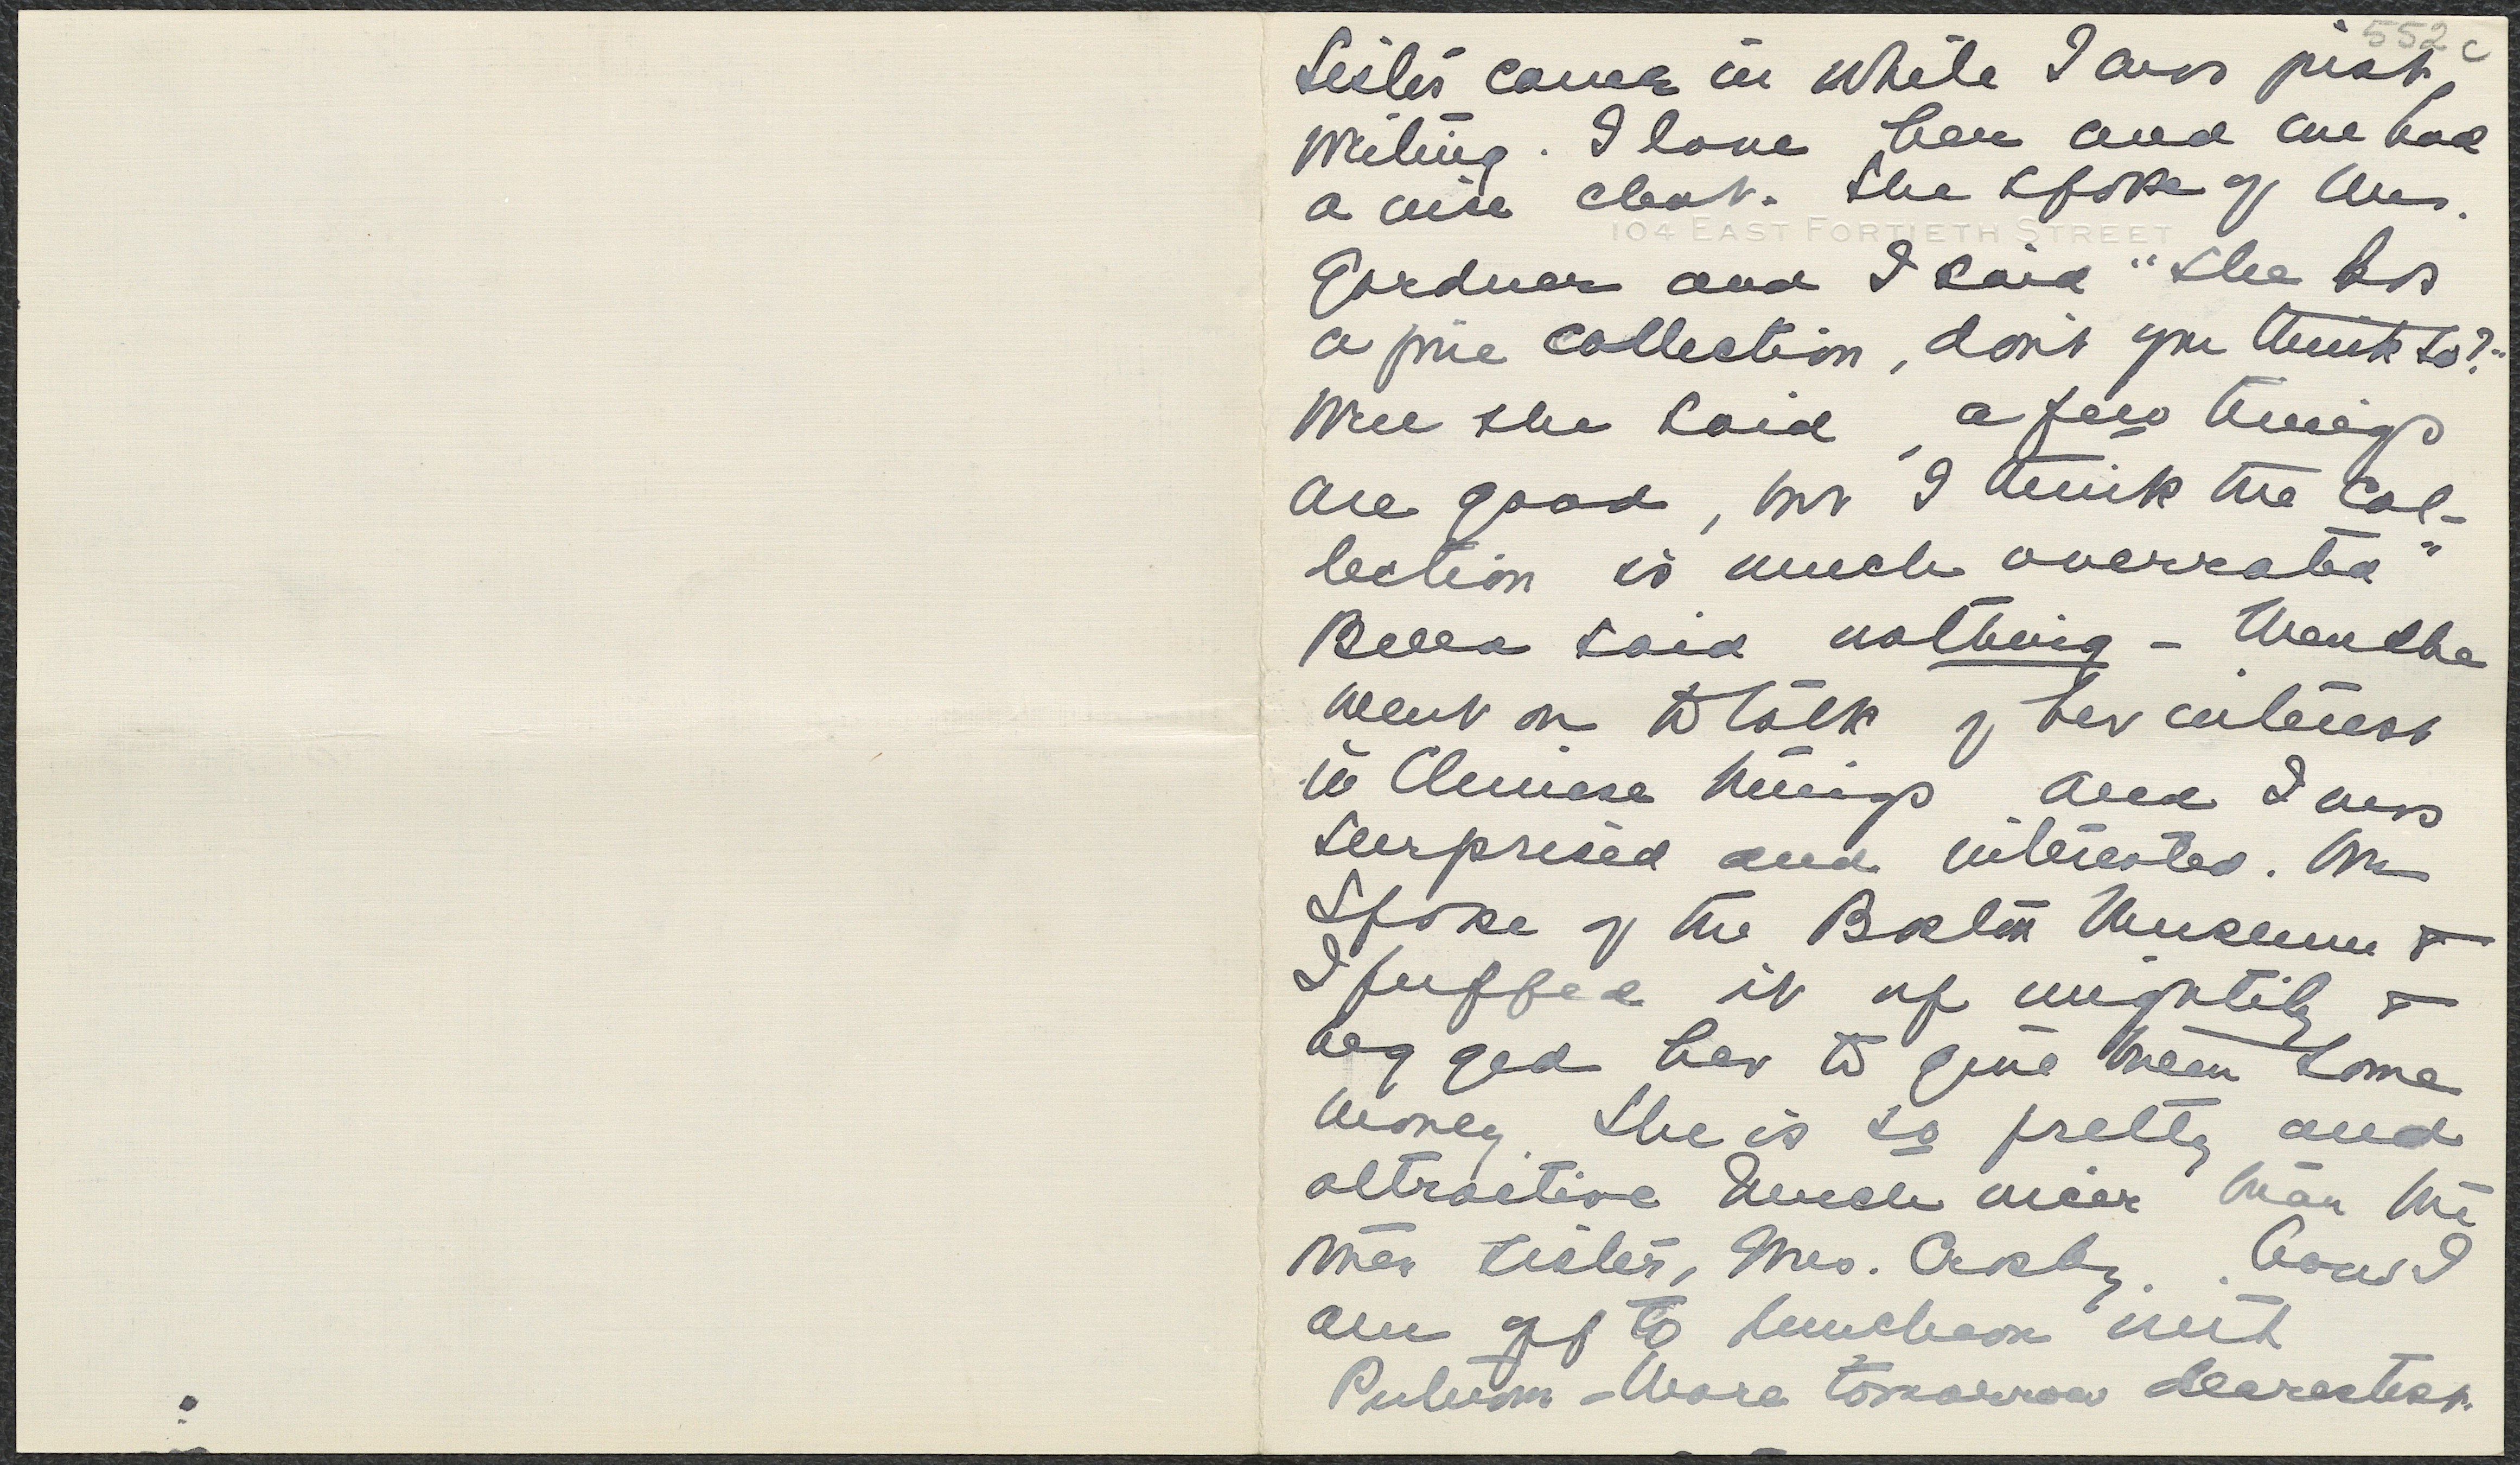sister came in while I was just writing. I love her and we had a nice chat. She spoke of Mrs. Gardner and I said “she had a fine collection, don’t you think so?” Well she said, a few things are good, but I think the collection is much overrated” Bella said nothing – Then she went on to talk of her interest in Chinese things and I was surprised and interested. We spoke of the Boston Museum & I puffed it up mightily & begged her to give them some money. She is so pretty and attractive Much nicer than the other sister, Mrs. Crosby. Now I am off to luncheon with Putnam – More tomorrow dearestest